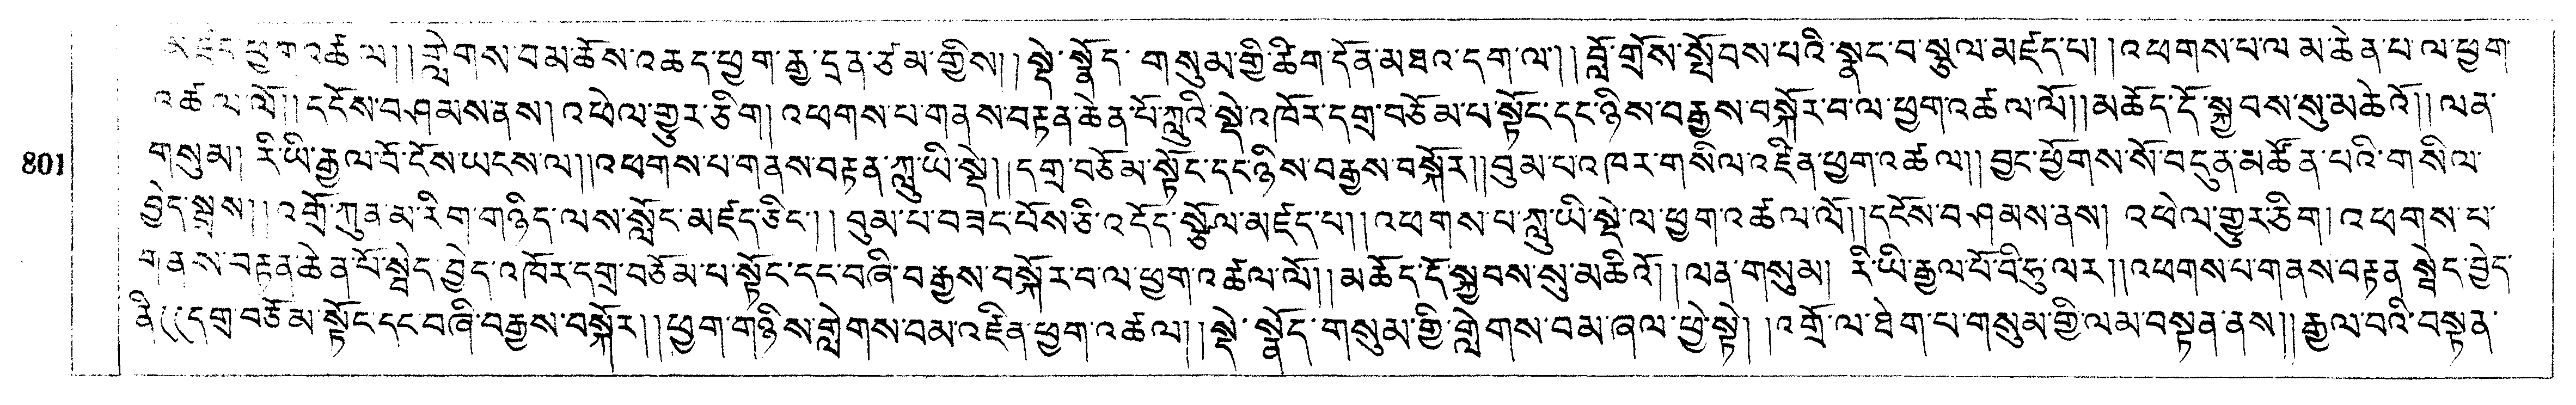མཛད་ཕྱག་འཚལ། །གླེགས་བམ་ཆོས་འཆད་ཕྱག་རྒྱ་དྲན་ཙམ་གྱིས། །སྡེ་སྣོད་གསུམ་གྱི་ཚིག་དོན་མཐའ་དག་ལ། །བློ་གྲོས་སྤོབས་པའི་སྣང་བ་སྩལ་མཛད་པ། །འཕགས་པ་ལམ་ཆེན་པ་ལ་ཕྱག་
འཚལ་ལོ། །དངོས་བཤམས་ནས། འཕེལ་གྱུར་ཅིག །འཕགས་པ་གནས་བརྟན་ཆེན་པོ་གླུའི་སྡེ་འཁོར་དགྲ་བཅོམ་པ་སྟོང་དང་ཉིས་བརྒྱས་བསྐོར་བ་ལ་ཕྱག་འཚལ་ལོ། །མཆོད་དོ་སྐྱབས་སུ་མཆེའོ། །ལན་
གསུམ། རི་ཡི་རྒྱལ་བོ་ངོས་ཡངས་ལ། །འཕགས་པ་གནས་བརྟན་ཀླུ་ཡི་སྡེ། །དགྲ་བཅོམ་སྟོང་དང་ཉིས་བརྒྱས་བསྐོར། །བུམ་པ་འཁར་གསིལ་འཛིན་ཕྱག་འཚལ། །བྱང་ཕྱོགས་སོ་བདུན་མཚོན་པའི་གསིལ་
བྱེད་སྒྲས། །འགྲོ་ཀུན་མ་རིག་གཉིད་ལས་སློང་མཛད་ཅིང་། །བུམ་པ་བཟང་པོས་ཅི་འདོད་སྩོལ་མཛད་པ། །འཕགས་པ་ཀླུ་ཡི་སྡེ་ལ་ཕྱག་འཚལ་ལོ། །དངོས་བཤམས་ནས། འཕེལ་གྱུར་ཅིག །འཕགས་པ་
གནས་བརྟན་ཆེན་པོ་སྦེད་བྱེད་འཁོར་དགྲ་བཅོམ་པ་སྟོང་དང་བཞི་བརྒྱས་བསྐོར་བ་ལ་ཕྱག་འཚལ་ལོ། །མཆོད་དོ་སྐྱབས་སུ་མཆིའོ། །ལན་གསུམ། རི་ཡི་རྒྱལ་པོ་བི་ཧུ་ལར། །འཕགས་པ་གནས་བརྟན་སྦེད་བྱེད་
ནི༑ ༑དགྲ་བཅོམ་སྟོང་དང་བཞི་བརྒྱས་བསྐོར། །ཕྱག་གཉིས་གླེགས་བམ་འཛིན་ཕྱག་འཚལ། །སྡེ་སྣོད་གསུམ་གྱི་གླེགས་བམ་ཞལ་ཕྱེ་སྟེ། །འགྲོ་ལ་ཐེག་པ་གསུམ་གྱི་ལམ་བསྟན་ནས། །རྒྱལ་བའི་བསྟན་